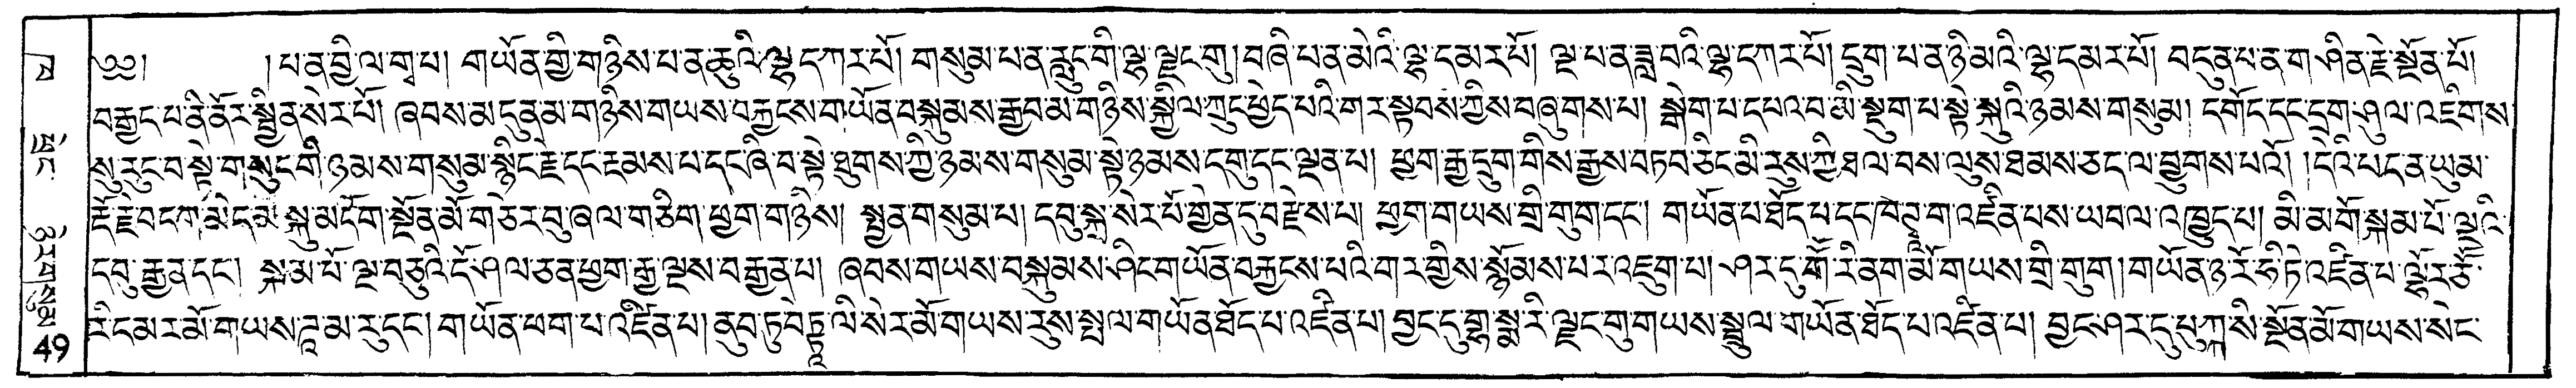༄༅། །པ་ན་བྱི་ལ་གྭ་པ། གཡོན་གྱི་གཉིས་པ་ན་ཆུའི་ལྷ་དཀར་པོ། གསུམ་པ་ན་རླུང་གི་ལྷ་ལྗང་གུ། བཞི་པ་ན་མེའི་ལྷ་དམར་པོ། ལྔ་པ་ན་ཟླ་བའི་ལྷ་དཀར་པོ། དྲུག་པ་ན་ཉི་མའི་ལྷ་དམར་པོ། བདུན་པ་ན་གཤིན་རྗེ་སྔོན་པོ།
བརྒྱད་པ་ནི་ནོར་སྦྱིན་སེར་པོ། ཞབས་མདུན་མ་གཉིས་གཡས་བརྐྱངས་གཡོན་བསྐུམས་རྒྱབ་མ་གཉིས་སྐྱིལ་ཀྲུང་ཕྱེད་པའི་གར་སྟབས་ཀྱིས་བཞུགས་པ། སྒེག་པ་དཔའ་བ་མི་སྡུག་པ་སྟེ་སྐུའི་ཉམས་གསུམ། དགོད་དང་དྲག་ཤུལ་འཇིགས་
སུ་རུང་བ་སྟེ་གསུང་གི་ཉམས་གསུམ་སྙིང་རྗེ་དང་རྔམས་པ་དང་ཞི་བ་སྟེ་ཐུགས་ཀྱི་ཉམས་གསུམ་སྟེ་ཉམས་དགུ་དང་ལྡན་པ། ཕྱག་རྒྱ་དྲུག་གིས་རྒྱས་བཏབ་ཅིང་མི་རུས་ཀྱི་ཐལ་བས་ལུས་ཐམས་ཅད་ལ་བྱུགས་པའོ། །དེའི་པད་?་ན་ཡུམ་
རྡོ་རྗེ་བདག་མེད་མ་སྐུ་མདོག་སྔོན་མོ་གཅེར་བུ་ཞལ་གཅིག་ཕྱག་གཉིས། སྤྱན་གསུམ་པ། དབུ་སྐྲ་སེར་པོ་གྱེན་དུ་བརྫེས་པ། ཕྱག་གཡས་གྲི་གུག་དང་། གཡོན་པ་ཐོད་པ་དང་ཁ་ཊྭཱ་ག་འཛིན་པས་ཡབ་ལ་འཁྱུད་པ། མི་མགོ་སྐམ་པོ་ལྔའི་
དབུ་རྒྱན་དང་། སྐམ་པོ་ལྔ་བཅུའི་དོ་ཤལ་ཅན་ཕྱག་རྒྱ་ལྔས་བརྒྱན་པ། ཞབས་གཡས་བསྐུམས་ཤིང་གཡོན་བརྐྱངས་པའི་གར་གྱིས་སྙོམས་པར་འཇུག་པ། ཤར་དུ་གཽ་རི་ནག་མོ་གཡས་གྲི་གུག །གཡོན་ཉ་རོ་ཧི་ཏེ་འཛིན་པ་ལྷོར་ཅཽ་
རི་དམར་མོ་གཡས་ཌཱ་མ་རུ་དང་། གཡོན་ཕག་པ་འཛིན་པ། ནུབ་ཏུ་བེཏྟཱ་ལི་སེར་མོ་གཡས་རུས་སྤལ་གཡོན་ཐོད་པ་འཛིན་པ། བྱང་དུ་གྷ་སྨ་རི་ལྗང་གུ་གཡས་སྦྲུལ་གཡོན་ཐོད་པ་འཛིན་པ། བྱང་ཤར་དུ་པུཀྐ་སི་སྔོན་མོ་གཡས་སེང་